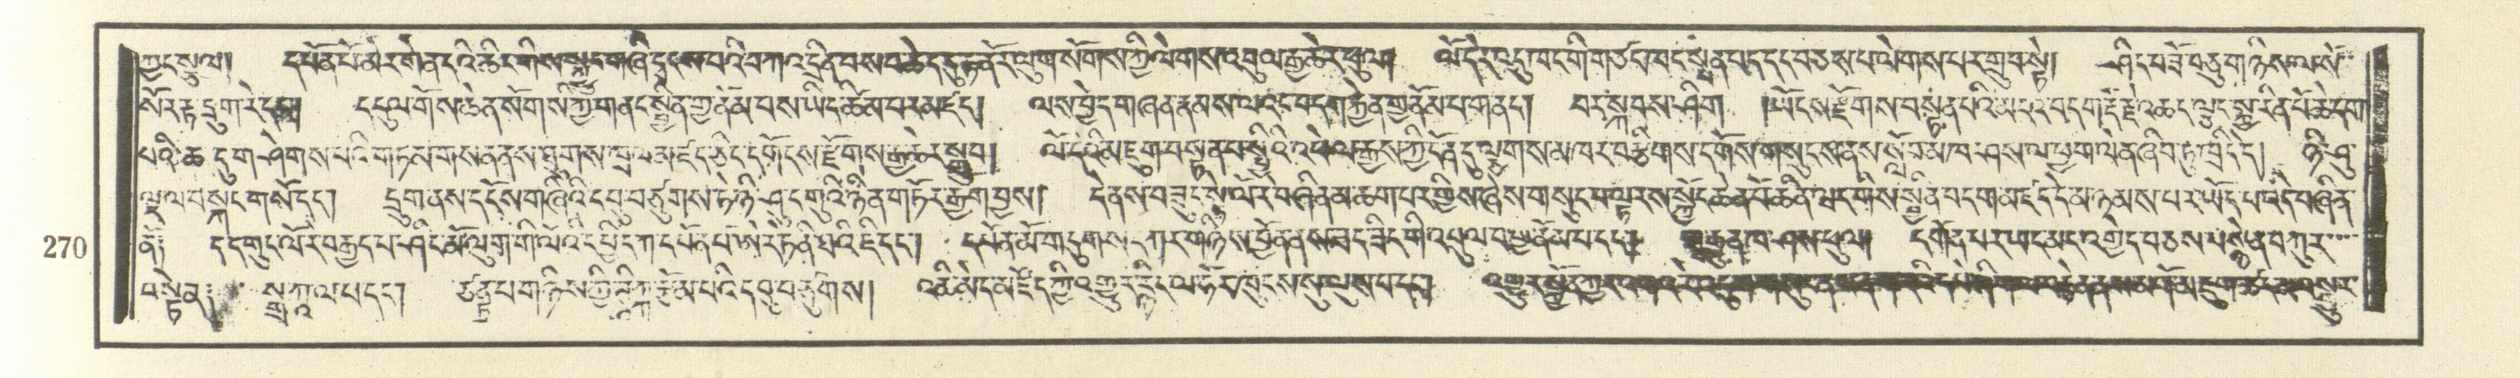ཀྱང་སྩལ། དཔོན་པོ་མེར་གེན་དའི་ཆིང་གིས་སྐྱུང་གཞི་དྭངས་པའི་བཀའ་དྲིན་བསབ་ཆེད་དུ་རྟ་ནོར་ལུག་སོགས་ཀྱི་ལེགས་འབུལ་རྒྱ་ཆེར་ཕུལ། ལོ་དེར་འདུ་ཁང་གི་གཙང་ཁང་སྤེན་པད་དང་བཅས་པ་ལེགས་པར་གྲུབ་སྟེ། ཤིང་བཟོ་བཅུ་གཉིས་ལ་སོ་
སོར་རྟ་དྲུག་རེ་དང་། དངུལ་གོས་ཆེན་སོགས་ཀྱི་གནང་སྦྱིན་གྱ་ནོམ་པས་ཡིད་ཚིམ་པར་མཛད། ལས་བྱེད་གཞན་རྣམས་ལའང་བདག་རྐྱེན་གྱ་ནོམ་པ་གནང་། བར་སྐབས་ཤིག །ཡོངས་རྫོགས་བསྟན་པའི་མངའ་བདག་རྡོ་རྗེ་འཆང་ལྕང་སྐྱ་རིན་པོ་ཆེ་དག་
པའི་ཞིང་དུ་གཤེགས་པའི་གཏམ་གསན་ནས་ཐུགས་ཁྲལ་མཛད་ཅིང་དགོངས་རྫོགས་རྒྱ་ཆེར་སྒྲུབ། ལོ་དེའི་མཇུག་བསྟན་པ་སྤྱིའི་འཕེལ་རྒྱས་ཀྱི་དོན་དུ་ལྕགས་མཁར་བརྩིགས་དགོས་གསུངས་ནས་སློབ་མ་ཁ་ཤས་ལ་ཕྱག་ལེན་ཞིབ་ཏུ་ཁྲིད་དེ། ཉི་ཤུ་
ལྔ་ལ་བསྐང་གསོ་དང་། དྲུག་ནས་དངོས་གཞིའི་དབུ་བཙུགས་ཏེ་ཉི་ཤུ་དགུའི་ཉིན་གཏོར་རྒྱག་བྱས། དེ་ནས་བཟུང་སྟེ་ལོ་རེ་བཞིན་མ་ཆག་པར་གྱིས་ཞེས་གསུང་པ་ལྟར་ས་སྐྱོང་ཆེན་པོ་ཆིན་ཝང་གིས་སྦྱིན་བདག་མཛད་དེ་མ་ཉམས་པར་ཡོད་པ་འདི་བཞིན་
ནོ༑ ༑དགུང་ལོར་བརྒྱད་པ་ཤིང་མོ་ལུག་གི་ལོའི་དཔྱིད་ཀ་དཔོན་པོ་ཨེ་རེ་ཏ་ནི་ཐའི་ཇི་དམ། དཔོན་མོ་གདུགས་དཀར་གཉིས་བྱོན་ནས་ཟང་ཟིང་གི་འབུལ་བ་གྱ་ནོམ་པ་དང་། གྲྭ་རྒྱུན་ལ་ཤས་ཕུལ། དགོན་པར་ཡང་མང་འགྱེད་བཅས་བསྙེན་བཀུར་
བསྟབ༑ སྒྲ་ཀཱ་ལ་པ་དང༑ ཙནྟྲ་པ་གཉིས་ཀྱི་ཊཱིཀྐ་རྩོམ་པའི་དབུ་བཙུགས། འཆི་མེད་མཛོད་ཀྱི་འགྱུར་རྙིང་ལ་ཧོར་ཁུངས་སུ་ལུས་པ་དང་། འགྱུར་སྐྱོན་ཀྱང་འགའ་རེ་འདུག་གསུང་ནས་ནག་རའི་དཔེ་ཞིག་ལ་བརྟེན་ནས་མགོ་མཇུག་ཚད་མ་བསྒྱུར་